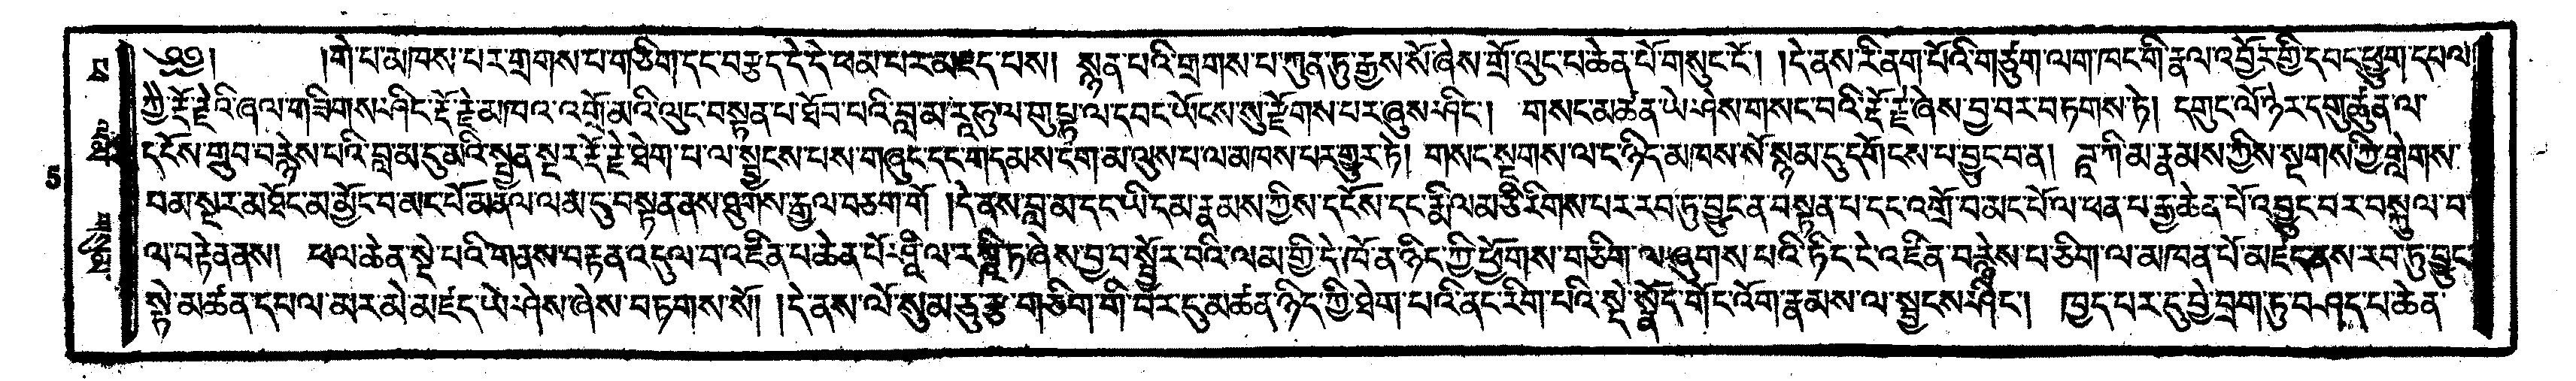༄༅། །གེ་པ་མཁས་པར་གྲགས་པ་གཅིག་དང་བརྩད་དེ་དེ་ཕམ་པར་མཛད་པས། སྙན་པའི་གྲགས་པ་ཀུན་ཏུ་རྒྱས་སོ་ཞེས་གྲོ་ལུང་པ་ཆེན་པོ་གསུང་ངོ། །དེ་ནས་རི་ནག་པོའི་གཙུག་ལག་ཁང་གི་རྣལ་འབྱོར་གྱི་དབང་ཕྱུག་དཔལ་
ཀྱཻ་རྡོ་རྗེའི་ཞལ་གཟིགས་ཤིང་རྡོ་རྗེ་མཁའ་འགྲོ་མའི་ལུང་བསྟན་པ་ཐོབ་པའི་བླ་མ་རཱ་ཧུ་ལ་གུཔྟ་ལ་དབང་ཡོངས་སུ་རྫོགས་པར་ཞུས་ཤིང་། གསང་མཚན་ཡེ་ཤེས་གསང་བའི་རྡོ་རྗེ་ཞེས་བྱ་བར་བཏགས་ཏེ། དགུང་ལོ་ཉེར་དགུ་ཚུན་ལ་
དངོས་གྲུབ་བརྙེས་པའི་བླ་མ་དུ་མའི་སྤྱན་སྔར་རྡོ་རྗེ་ཐེག་པ་ལ་སྦྱངས་པས་གཞུང་དང་གདམས་ངག་མ་ལུས་པ་ལ་མཁས་པར་གྱུར་ཏེ། གསང་སྔགས་ལ་ང་ཉིད་མཁས་སོ་སྙམ་དུ་དགོངས་པ་བྱུང་བ་ན། ཌཱ་ཀི་མ་རྣམས་ཀྱིས་སྔགས་ཀྱི་གླེགས་
བམ་སྔར་མཐོང་མ་མྱོང་བ་མང་པོ་མནལ་ལམ་དུ་བསྟན་ནས་ཐུགས་རྒྱལ་བཅག་གོ །དེ་ནས་བླ་མ་དང་ཡི་དམ་རྣམས་ཀྱིས་དངོས་དང་རྨི་ལམ་ཅི་རིགས་པར་རབ་ཏུ་བྱུང་ན་བསྟན་པ་དང་འགྲོ་བ་མང་པོ་ལ་ཕན་པ་རྒྱ་ཆེན་པོ་འབྱུང་བར་བསྐུལ་བ་
ལ་བརྟེན་ནས། ཕལ་ཆེན་སྡེ་པའི་གནས་བརྟན་འདུལ་བ་འཛིན་པ་ཆེན་པོ་ཤཱི་ལ་རཀྵི་ཏ་ཞེས་བྱ་བ་སྦྱོར་བའི་ལམ་གྱི་དེ་ཁོ་ན་ཉིད་ཀྱི་ཕྱོགས་གཅིག་ལ་ཞུགས་པའི་ཏིང་ངེ་འཛིན་བརྙེས་པ་ཅིག་ལ་མཁན་པོ་མཛད་ནས་རབ་ཏུ་བྱུང་
སྟེ་མཚན་དཔལ་མར་མེ་མཛད་ཡེ་ཤེས་ཞེས་བཏགས་སོ། །དེ་ནས་ལོ་སུམ་ཅུ་རྩ་གཅིག་གི་བར་དུ་མཚན་ཉིད་ཀྱི་ཐེག་པའི་ནང་རིག་པའི་སྡེ་སྣོད་གོང་འོག་རྣམས་ལ་སྦྱངས་ཤིང་། ཁྱད་པར་དུ་བྱེ་བྲག་ཏུ་བཤད་པ་ཆེན་